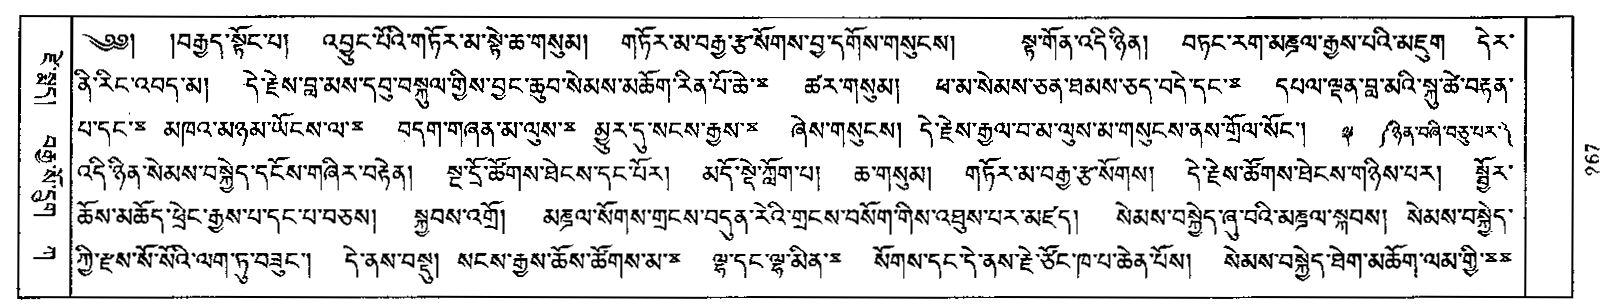༄༅། །བརྒྱད་སྟོང་པ། འབྱུང་པོའི་གཏོར་མ་སྟེ་ཆ་གསུམ། གཏོར་མ་བརྒྱ་རྩ་སོགས་བྱ་དགོས་གསུངས། སྟ་གོན་འདི་ཉིན། བཏང་རག་མཎྜལ་རྒྱས་པའི་མཇུག་དེར་
ནི་རིང་འབད་མ། དེ་རྗེས་བླ་མས་དབུ་བསྐུལ་གྱིས་བྱང་ཆུབ་སེམས་མཆོག་རིན་པོ་ཆེ་྾་ཚར་གསུམ། ཕ་མ་སེམས་ཅན་ཐམས་ཅད་བདེ་དང་྾་དཔལ་ལྡན་བླ་མའི་སྐུ་ཚེ་བརྟན་
པ་དང་྾་མཁའ་མཉམ་ཡོངས་ལ་྾་བདག་གཞན་མ་ལུས་྾་མྱུར་དུ་སངས་རྒྱས་྾་ཞེས་གསུངས། དེ་རྗེས་རྒྱལ་བ་མ་ལུས་མ་གསུངས་ནས་གྲོལ་སོང་། ༈ ཉིན་བཞི་བཅུ་པར྄
འདི་ཉིན་སེམས་བསྐྱེད་དངོས་གཞིར་བརྟེན། སྔ་དྲོ་ཚོགས་ཐེངས་དང་པོར། མདོ་སྡེ་ཀློག་པ། ཆ་གསུམ། གཏོར་མ་བརྒྱ་རྩ་སོགས། དེ་རྗེས་ཚོགས་ཐེངས་གཉིས་པར། སྦྱོར་
ཆོས་མཆོད་ཕྲེང་རྒྱས་པ་དང་པ་བཅས། སྐྱབས་འགྲོ། མཎྜལ་སོགས་གྲངས་བདུན་རེའི་གྲངས་བསོག་གིས་འཐུས་པར་མཛད། སེམས་བསྐྱེད་ཞུ་བའི་མཎྜལ་སྐབས། སེམས་བསྐྱེད་
ཀྱི་རྫས་སོ་སོའི་ལག་ཏུ་བཟུང་། དེ་ནས་བསྡུ། སངས་རྒྱས་ཆོས་ཚོགས་མ་྾་ལྷ་དང་ལྷ་མིན་྾་སོགས་དང་དེ་ནས་རྗེ་ཙོང་ཁ་པ་ཆེན་པོས། སེམས་བསྐྱེད་ཐེག་མཆོག་ལམ་གྱི་྾་྾་